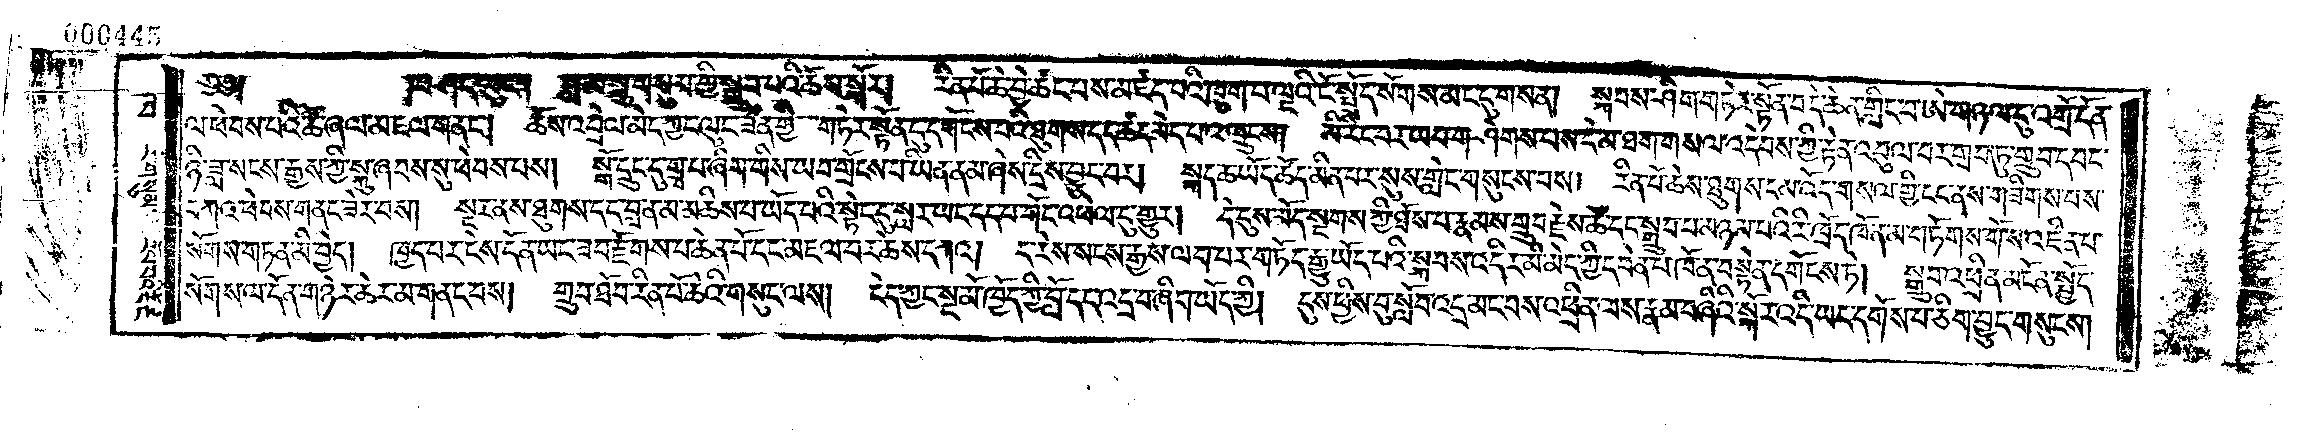༄༅། །བཤད་ལུང་། བླ་མ་སྐུ་གསུམ་གྱི་སྒྲུབ་པའི་ཆོས་སྐོར། རིན་པོ་ཆེ་བྱེ་ཚང་པས་མཛད་པའི་ཁུག་པ་ལྔའི་ངོ་སྤྲོད་སོགས་མང་དུ་གསན། སྐབས་ཤིག་གཏེར་སྟོན་བདེ་ཆེན་གླིང་བ་ཨེ་གཉལ་དུ་འགྲོ་དོན་
ལ་ཕེབས་པའི་ཚེ་ཞལ་མཇལ་གནང་། ཆོས་འབྲེལ་མེད་ཀྱང་ལུང་ཟྀན་གྱི་གཏེར་སྟོན་དུ་དགོངས་པའི་ཐུགས་དང་ཚད་མེད་པ་འཁྲུངས། མི་རིང་བར་ཡབ་གཤེགས་པས་དེ་མ་ཐག་གསལ་འདེབས་ཀྱི་རྟེན་འབུལ་བར་གྲབ་ཏུ་གྲུབ་དབང་
ཉི་ཟླ་སངས་རྒྱས་ཀྱི་སྐུ་ཞབས་སུ་ཕེབས་པས། སྒོ་དྲུང་དུ་གྲྭ་པ་ཞིག་གིས་ཡབ་གྲོངས་པ་ཡིན་ནམ་ཞེས་དྲིས་བྱུང་བར། སྐད་ཆ་ཡོད་ཆོད་མིན་པར་སུས་གླེང་གསུངས་པས། རིན་པོ་ཆེས་ཐུགས་དམ་འོད་གསལ་གྱི་ངང་ནས་གཟིགས་པས་
བཀའ་ཕེབས་གནང་ཟེར་བས། སྔར་ནས་ཐུགས་དང་བླ་ན་མ་མཆིས་པ་ཡོད་པའི་སྟེང་དུ་སླར་ཡང་དད་པ་གོང་འཕེལ་དུ་གྱུར། དེ་དུས་མོད་སྔགས་ཀྱི་ཐོས་པ་རྣམས་གྲུབ་རྗེས་ཚེ་དང་སྒྲུབ་པ་མཉམ་པའི་རི་ཁྲོད་ཁོ་ན་མ་གཏོགས་གོ་ས་འཛིན་པ་
སོགས་གཏན་མི་བྱེད། ཁྱད་པར་ངེས་དོན་ཡང་ཟབ་རྫོགས་པ་ཆེན་པོ་དང་མཇལ་བར་ཆེས་དཀའ། ད་རེས་སངས་རྒྱས་ལག་པར་གཏོད་རྒྱུ་ཡོད་པའི་སྐབས་འདིར་མི་མེད་ཀྱི་དབེན་པ་ཁོ་ན་བསྟེན་དགོངས་ཏེ། སྒྲུབ་འཕྲིན་མངོན་སྤྱོད་
སོགས་ལ་དོན་གཉེར་ཆེར་མ་གནང་བས། གྲུབ་ཐོབ་རིན་པོ་ཆེའི་གསུང་ལས། ངེད་ཀྱང་སྔ་མོ་ཁྱོད་ཀྱི་བློ་དང་འདྲ་བ་ཞིག་ཡོད་ཀྱི། དུས་ཕྱིས་བུ་སློབ་འདྲ་མང་བས་འཕྲིན་ལས་རྣམ་བཞིའི་སྐོར་འདི་ཡང་དགོས་པ་ཅིག་བྱུང་གསུངས།